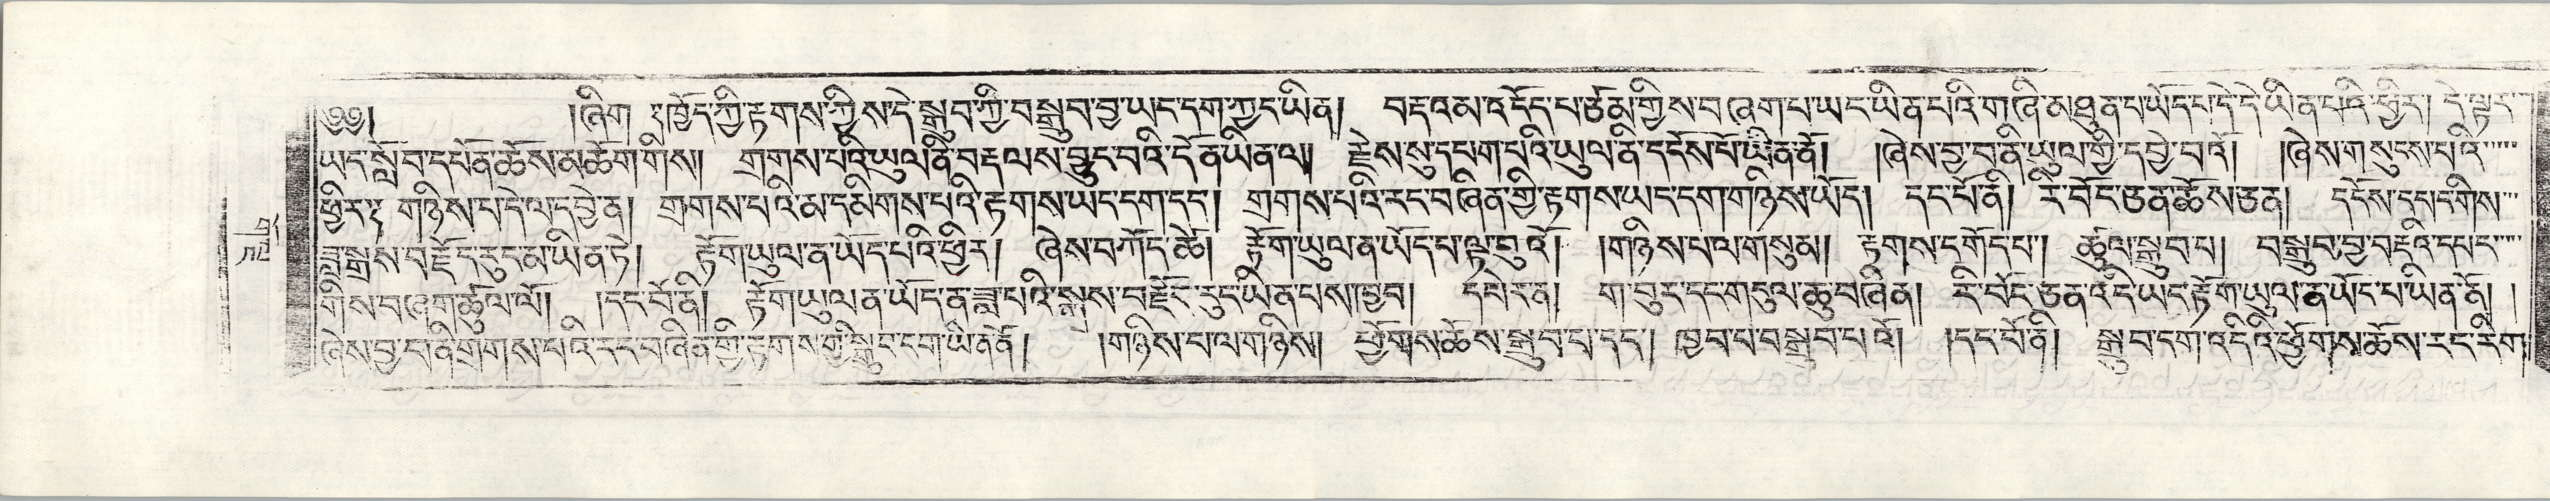༄༅། །ཞིག །ཁྱོད་ཀྱི་རྟགས་ཀྱིས་དེ་སྒྲུབ་ཀྱི་བསྒྲུབ་བྱ་ཡང་དག་ཀྱང་ཡིན། བརྡ་འམ་འདོད་པ་ཙམ་གྱིས་བཞག་པ་ཡང་ཡིན་པའི་གཞི་མཐུན་པ་ཡོད་པ་དེ་དེ་ཡིན་པའི་ཕྱིར། དེ་ལྟར་
ཡང་སློབ་དཔོན་ཆོས་མཆོག་གིས། གྲགས་པའི་ཡུལ་ནི་བརྡ་ལས་བྱུང་བའི་དོན་ཡིན་ལ། རྗེས་སུ་དཔག་པའི་ཡུལ་ནི་དངོས་པོ་ཡིན་ནོ། །ཞེས་བྱ་བ་ནི་ཡུལ་གྱི་དབྱེ་བའོ། །ཞེས་གསུངས་པའི་
ཕྱིར། གཉིས་པ་དེ་ལ་དབྱེ་ན། གྲགས་པའི་མ་དམིགས་པའི་རྟགས་ཡང་དག་དང་། གྲགས་པའི་རང་བཞིན་གྱི་རྟགས་ཡང་དག་གཉིས་ཡོད། དང་པོ་ནི། རི་བོང་ཅན་ཆོས་ཅན། དངོས་དབང་གིས་
ཟླ་སྒྲས་བརྗོད་རུང་མ་ཡིན་ཏེ། རྟོག་ཡུལ་ན་ཡོད་པའི་ཕྱིར། ཞེས་བཀོད་ཚེ། རྟོག་ཡུལ་ན་ཡོད་པ་ལྟ་བུའོ། །གཉིས་པ་ལ་གསུམ། རྟགས་དགོད་པ། ཚུལ་སྒྲུབ་པ། བསྒྲུབ་བྱ་བརྡའི་དབང་
གིས་བཞག་ཚུལ་ལོ། །དང་པོ་ནི། རྟོག་ཡུལ་ན་ཡོད་ན་ཟླ་བའི་སྒྲས་བརྗོད་རུང་ཡིན་པས་ཁྱབ། དཔེར་ན། ག་བུར་དང་དངུལ་ཆུ་བཞིན། རི་བོང་ཅན་འདི་ཡང་རྟོག་ཡུལ་ན་ཡོད་པ་ཡིན་ནོ། །
ཞེས་བྱ་བ་ནི་གྲགས་པའི་རང་བཞིན་གྱི་རྟགས་ཀྱི་སྒྲུབ་ངག་ཡིན་ནོ། །གཉིས་པ་ལ་གཉིས། ཕྱོགས་ཆོས་བསྒྲུབ་པ་དང་། ཁྱབ་པ་བསྒྲུབ་པའོ། །དང་པོ་ནི། སྒྲུབ་ངག་འདིའི་ཕྱོགས་ཆོས་རང་རིག་